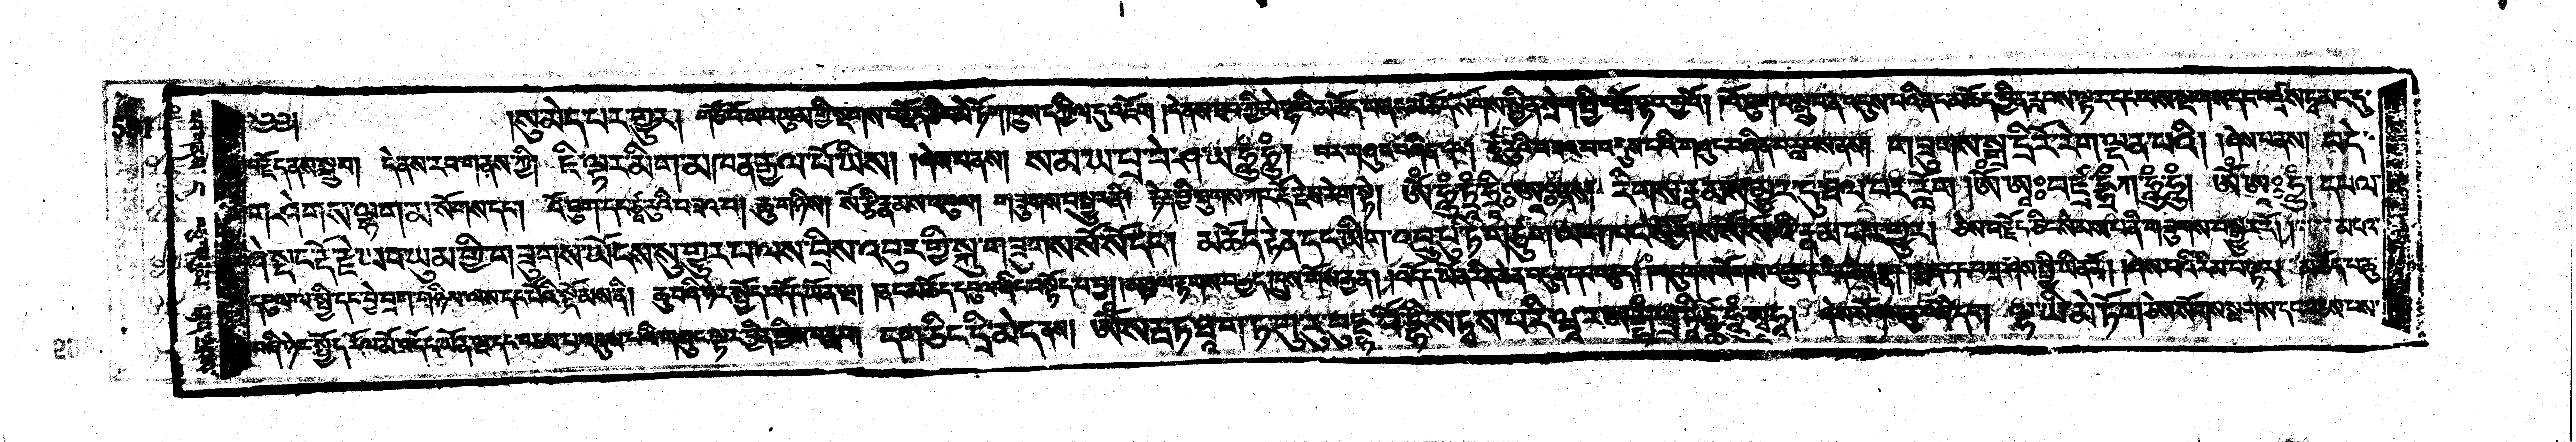༄༅། །སུ་མེད་པར་གྱུར། གཙོ་བོ་ཡབ་ཡུམ་གྱི་སྔགས་བརྗོད་ཅིང་མེ་ཏོག་ཁྲུས་དཀྱིལ་དུ་འཇོག །དེ་ནས་ཐབ་ཀྱི་མེ་ལྷའི་མཆོད་པ་ནང་མཆོད་སོགས་སྦྱིན་སྲེག་སྤྱི་འཐོ་ལྟར་བྱའོ། །འོ་ཐུག་བསྒྲུབ་ན་འདུས་པའི་ནང་མཆོད་བྱིན་རླབས་ལྟར་དང་ལས་སྔགས་དང་བཛྲ་སཏྭ་མང་དུ་
བརྗོད་ནས་སྒྲུབ། དེ་ནས་རབ་གནས་ཀྱི། ཇི་ལྟར་མིག་མཁན་རྒྱལ་པོ་ཡིས། །ཞེས་པ་ནས།  ས་མ་ཡ་པྲ་བེ་ཤ་ཡ་ཧཱུཾ་ཧཱུཾ། བར་གཞུང་བཞིན་དང་། རྩ་རུའི་བཟའ་བ་འདུས་པའི་གཞུང་བཞིན་བརླབས་ནས།  གཟུགས་སྒྲ་དྲི་རོ་རེག་ལྡན་པའི། །ཞེས་པ་ནས།  བདེ་
གཤེགས་ལྷག་མ་སོགས་དང་། འོ་ཐུག་དང་ཙཱ་རུའི་བཟའ་བ། ཆུ་གཉིས། སོ་རྩི་རྣམས་འབུལ། གཟུགས་བསྒྱུར་ནི། རྟེན་གྱི་ཐུགས་ཀར་རྡོ་རྗེས་རེག་སྟེ། ཨོཾ་ཧཱུཾ་ཏྲཱཾ་ཧྲཱིཿཨཱཿནས།  རིགས་རྣམས་མྱུར་དུ་ཐལ་བར་རློག །ཨོཾ་ཨཱཿབཛྲ་དྷྲྀ་ཀ་ཧཱུཾ་ཧཱུཾ། ཨོཾ་ཨཱཿཧཱུཾ། དཔལ་
ཞེ་སྡང་རྡོ་རྗེ་ཡབ་ཡུམ་གྱི་གཟུགས་ཡོངས་སུ་གྱུར་པ་ལས་བྲིས་འབུར་གྱི་སྐུ་གཟུགས་སོ་སོ་དང་། མཆོད་རྟེན་དང་ཡིག་འབྲུ་པུ་ཏི་གཙུག་ལག་ཁང་སོགས་སོ་སོའི་རྣམ་པར་གྱུར། ཅེས་བརྗོད་ཅིང་སེམས་པ་ནི་གཟུགས་བསྒྱུར་རོ། །་་་མངའ་
དབུལ་ལ་སྤྱི་དང་བྱེ་བྲག་གཉིས་ལས་དང་པོའི་སྡོམས་ནི། ཆུ་བཞི་ཉེར་སྤྱོད་འདོད་ཡོན་ལྔ། །ནང་མཆོད་དབུལ་ཞིང་བསྟོད་པ་བྱ། །མཎྜལ་རྟགས་བརྒྱད་ཁྲུས་གོས་རྒྱན། །འདོད་ཡོན་རིན་ཆེན་བདུན་དང་བཅུད། །གདུགས་སོགས་འབྲུ་དང་རིན་ཆེན་སྣ། །སྨན་དང་བཀྲ་ཤིས་སྤྱི་ཡིན་ནོ། །ཞེས་པའི་རིམ་པ་ལྟར། མཆོད་པ་ཆུ་
བཞི་ཉེར་སྤྱོད་རོལ་མོ་འདོད་ཡོན་ལྔ་དང་བཅས་པ་འདུས་པའི་གཞུང་ལྟར་བྱིན་གྱིས་བརླབ། དག་ཅིང་དྲི་མེད་ནས།  ཨོཾ་སརྦ་ཏ་ཐཱ་ག་ཏ་གུ་རུ་བུདྡྷ་བོ་དྷི་སཏྭས་པ་རི་ཝཱ་རི་ཨརྒྷཾ་པྲ་ཏཱི་ཙྪ་ཧཱུཾ་སྭཱཧཱ། ཞེས་སོགས་ཆུ་བཞི་དང་།  ལྷ་ཡི་མེ་ཏོག་ཅེས་སོགས་སྔགས་དང་བཅས་པས་